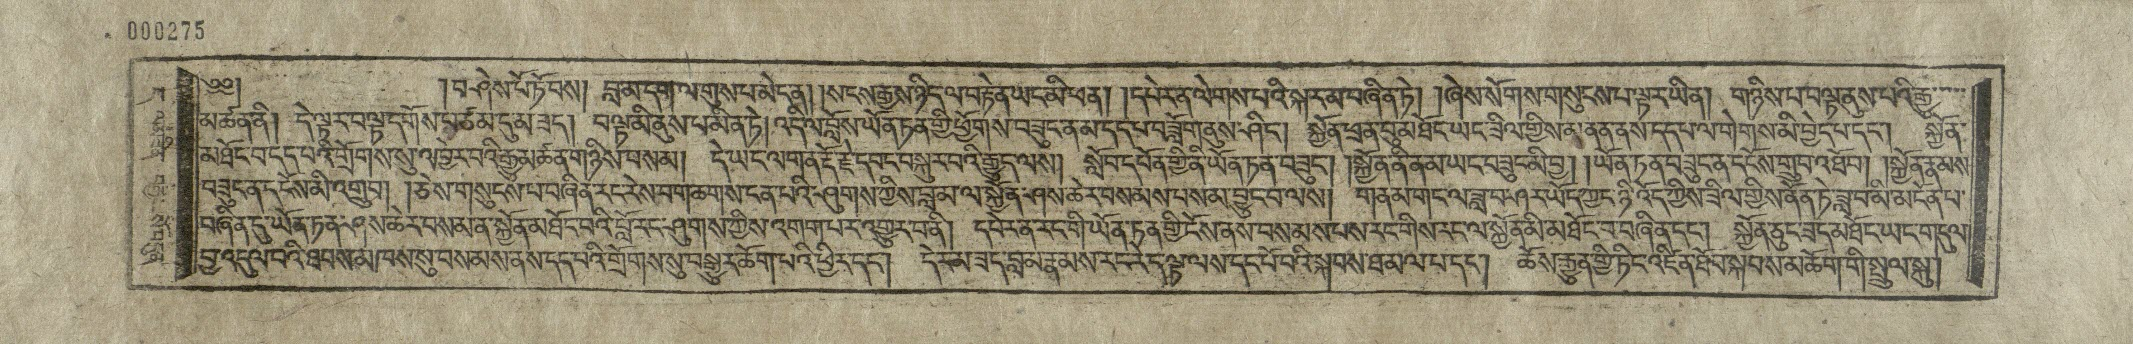༄༅། །བཤེས་པོ་ཏོ་བས། བླ་མ་དག་ལ་གུས་པ་མེད་ན། །སངས་རྒྱས་ཉིད་ལ་བརྟེན་ཡང་མི་ཕན། །དཔེར་ན་ལེགས་པའི་སྐར་མ་བཞིན་ཏེ། །ཞེས་སོགས་གསུངས་པ་ལྟར་ཡིན། གཉིས་པ་བལྟ་ནུས་པའི་རྒྱུ་
མཚན་ནི། དེ་ལྟར་བལྟ་དགོས་པ་ཙམ་དུ་མ་ཟད། བལྟ་མི་ནུས་པ་མིན་ཏེ། འདི་ལ་བློས་ཡོན་ཏན་གྱི་ཕྱོགས་བཟུང་ན་མ་དད་པ་བཟློག་ནུས་ཤིང་། སྐྱོན་ཕྲན་པུ་མཐོང་ཡང་ཟིལ་གྱིས་མནན་ནས་དད་པ་ལ་གེགས་མི་བྱེད་པ་དང་། སྐྱོན་
མཐོང་བ་དད་པའི་གྲོགས་སུ་འཁྱེར་བའི་རྒྱུ་མཚན་གཉིས་བསམ། དེ་ཡང་ལག་ན་རྡོ་རྗེ་དབང་བསྐུར་བའི་རྒྱུད་ལས། སློབ་དཔོན་གྱི་ནི་ཡོན་ཏན་བཟུང་། །སྐྱོན་ནི་ནམ་ཡང་བཟུང་མི་བྱ། །ཡོན་ཏན་བཟུང་ན་དངོས་གྲུབ་འཐོབ། །སྐྱོན་རྣམས་
བཟུང་ན་དངོས་མི་འགྲུབ། །ཅེས་གསུངས་པ་བཞིན་རང་རེས་བག་ཆགས་ངན་པའི་ཤུགས་ཀྱིས་བླ་མ་ལ་སྐྱོན་ཤས་ཆེར་བསམས་པས་མ་བྱུང་བ་ལས། གནམ་གང་ལ་ཟླ་བ་ཤར་ཡོད་ཀྱང་ཉི་འོད་ཀྱིས་ཟིལ་གྱིས་ནོན་ཏེ་ཟླ་བ་མི་མངོན་པ་
བཞིན་དུ་ཡོན་ཏན་ཤས་ཆེར་བསམ་ན་སྐྱོན་མཐོང་བའི་བློ་རང་ཤུགས་ཀྱིས་འགག་པར་འགྱུར་བ་ནི། དཔེར་ན་རང་གི་ཡོན་ཏན་གྱི་ངོས་ནས་བསམས་པས་རང་གིས་རང་ལ་སྐྱོན་མི་མཐོང་བ་བཞིན་དང་། སྐྱོན་ཅུང་ཟད་མཐོང་ཡང་གདུལ་
བྱ་འདུལ་བའི་ཐབས་མཁས་སུ་བསམས་ནས་དད་པའི་གྲོགས་སུ་བསྒྱུར་ཆོག་པའི་ཕྱིར་དང་། དེར་མ་ཟད་བླ་མ་རྣམས་རང་རེ་ད་ལྟ་ལས་དང་པོ་བའི་སྐབས་ཐ་མལ་པ་དང་། ཆོས་རྒྱུན་གྱི་ཏིང་འཛིན་ཐོབ་སྐབས་མཆོག་གི་སྤྲུལ་སྐུ།